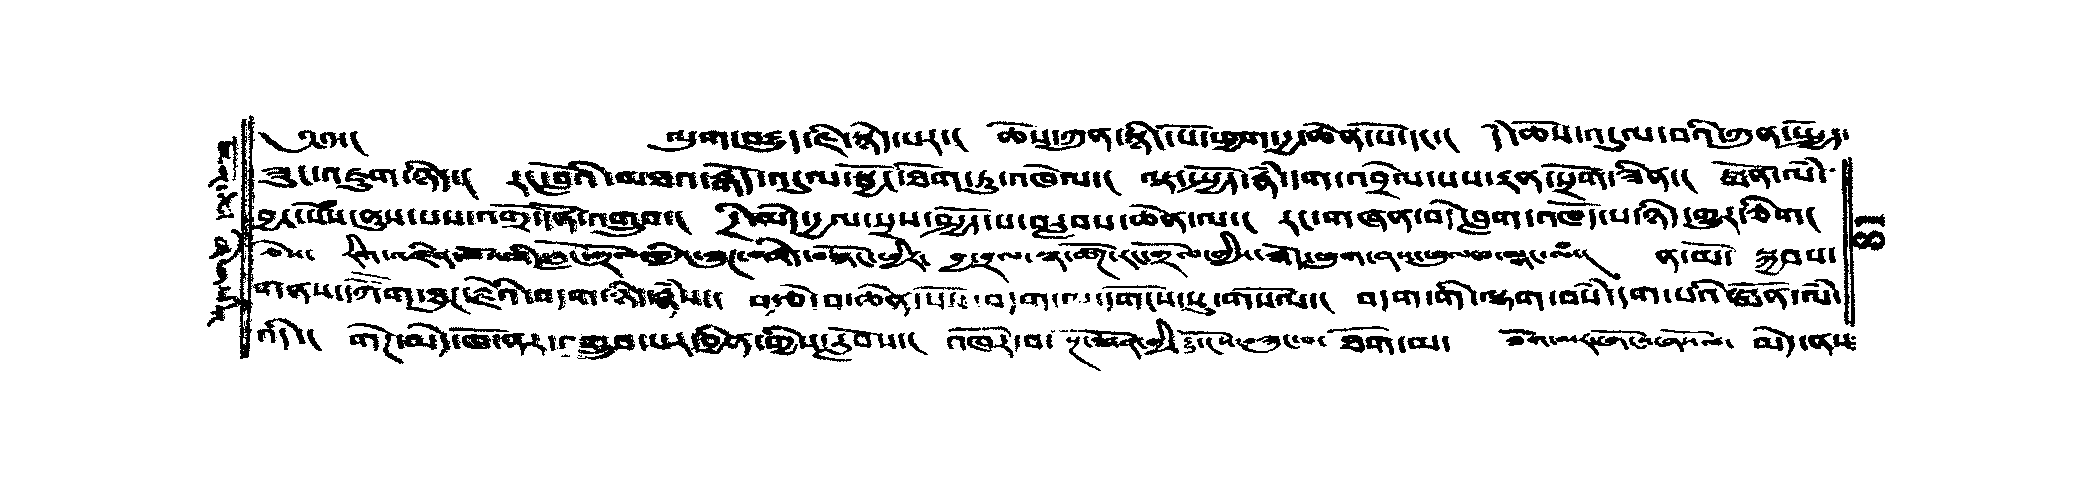ལུག་བརྒྱུད་ཇི་སྙེད་པར། །ཆོས་ཀུན་སྙིང་པོ་ཕྱག་རྒྱ་ཆེན་པོ་དང་། །དམ་ཆོས་འདུལ་བའི་ཀུན་སྤྱོད་
ཟུང་འཇུག་ཉིད། །རང་བློའི་མཐའ་རྒོད་འདུལ་སྦྱོང་ཐོག་ཏུ་ཁེལ། །ལྟ་སྤྱོད་རྣམ་དག་འབྲེལ་པས་བསྟན་སྲོག་ཟིན། །སྨོན་ལམ་
བྱང་སེམས་ནུས་པས་འགྲོ་དོན་འགྲུབ། །དྲི་མེད་རྒྱལ་སྲས་སྤྱོད་པ་བརླབས་ཆེན་ལ། །རང་གཞན་བདེ་བླག་འཁོད་པ་ཉིད་གྱུར་ཅིག 
ཅེས་རིག་འཛིན་ཆོས་ཉིད་ཀློང་གྲོལ་གྱི་ཐུགས་བཞེད་བསྐོང་ཕྱིར། བྱ་བྲལ་སྣ་ཚོགས་རང་གྲོལ་གྱིས་རྒོད་ཕུག་ནས་ཕུལ་བ་མངྒ་ལཾ།། ན་མོ། སྐྱབས་
གནས་དཀོན་མཆོག་ཐུགས་རྗེའི་བདག་ཉིད་རྣམས། །བརྩེ་བ་ཆེན་པོས་བདག་ལ་དགོངས་སུ་གསོལ། །བདག་གི་ལྷག་བསམ་དག་པའི་སྨོན་ལམ་
འདི། །གེགས་མེད་ཁོ་ནར་འགྲུབ་པར་བྱིན་གྱིས་རློབས། འཁོར་བ་ཐོག་མ་མེད་ནས་